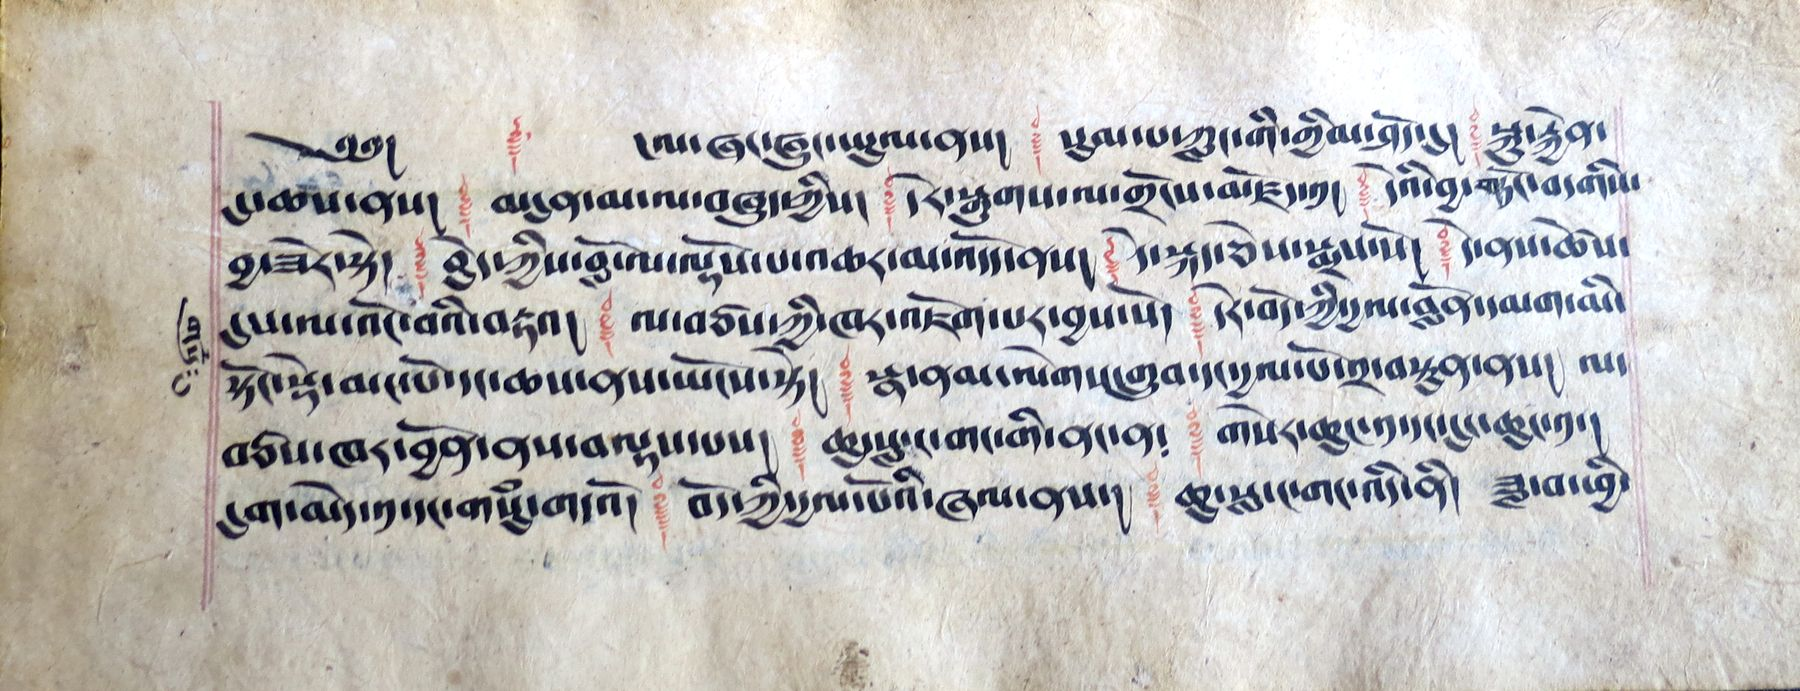ལ་ཞང་ཞུང་ཡུལ་ནས། སུམ་པ་གླང་གི་གྱིམ་ཤོད་དུ། སྐུ་རྐྱེན་
དུ་ཆས་ནས། མདུན་མ་ལ་བཞུད་ཀྱིས། དེར་སྒུགས་ལ་ཀྲོངས་མཛོད་ཅིག དེའི་བྱ་སྟངས་བདག་གིས་
བྱ་ཟེར་ཏེ། བུད་མེད་ཀྱི་བློ་ལ་ལྟོས་པ་འཆར་མ་འདོད་ནས། དེ་སྐད་སྨྲས་སོ། ། དེར་ཚེས་
དུས་ལ་འོང་པའི་བརྡ། ལ་བཙས་ཀྱི་ཁར་འཇོག་པར་ཆད་དོ། ། དེར་བོད་ཀྱི་རྒྱལ་བློན་དམག་མི་
སྟོང་སྡེ་མང་པོ་དང་ཆས་ནས་ཡོངས་ཏེ། སྣ་ནམ་ལེགས་གྲུབ་དང་རྒྱལ་པོ་གཉིས་བསྟུན་ནས། ལ་
བཙས་ཀྱི་ཁར་བྱོན་ནས་བལྟས་པས། ཆུ་སླང་ང་གང་གི་ནང་ན། གསེར་ཆུང་གཅིག་ང་ཆུང་གཅིག 
དུག་མདེལ་གཅིག་དང་གསུམ་གདའོ། ། བོད་ཀྱི་རྒྱལ་པོའི་ཞལ་ནས། ཆུ་སླང་ང་གང་ནི་ཟླ་བ་ཕྱི་